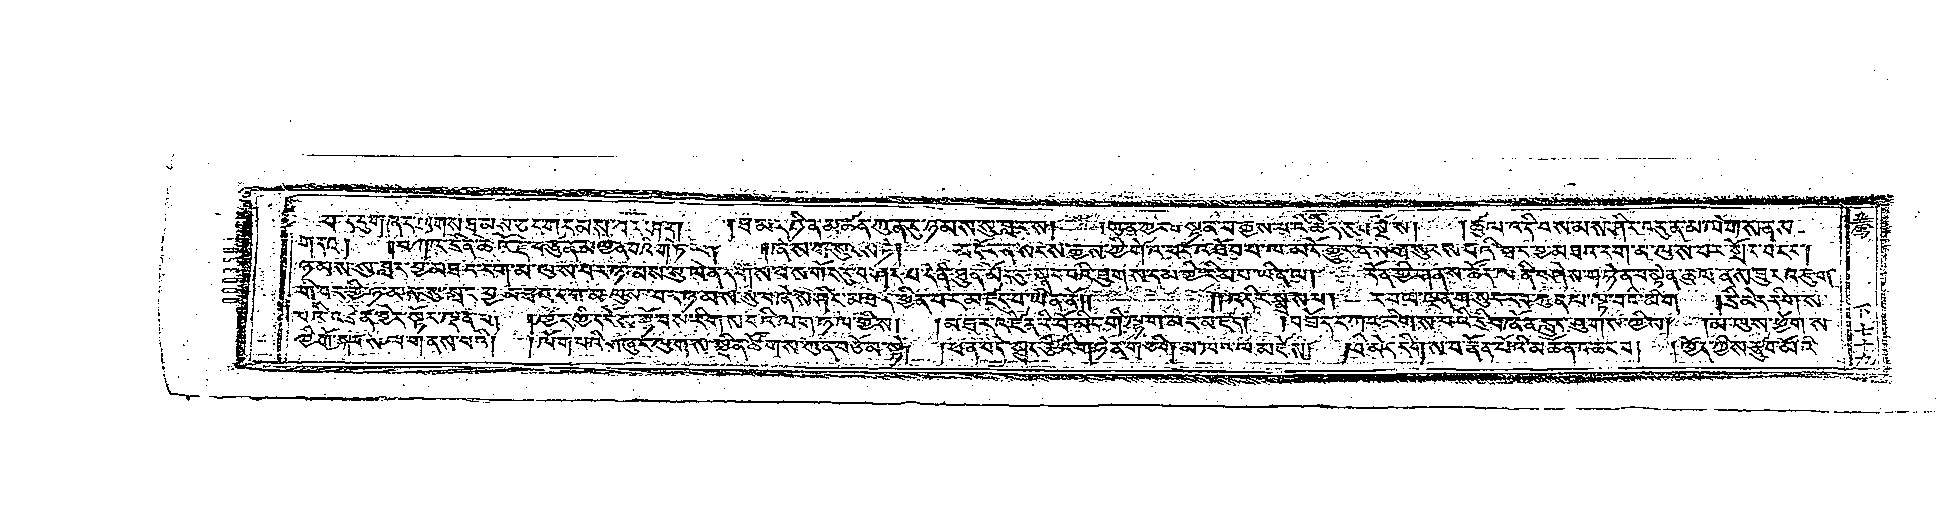བར་དུ་གཞུང་ལུགས་ཐམས་ཅད་གདམས་བར་ཤར། །ཐ་མར་ཉིན་མཚན་ཀུན་དུ་ཉམས་སུ་བླངས། །ཀུན་ཀྱང་བསྟན་པ་རྒྱས་པའི་ཆེད་དུ་བསྔོས། །ཚུལ་འདི་བསམས་ཤིང་འདུན་མ་ལེགས་ནས་
གདའ། །བཀའ་དྲིན་ཆེའི་རྗེ་བཙུན་མཁྱེན་བའི་གཏེར། །ཞེས་གསུངས་ཏེ། མདོར་ན་སངས་རྒྱས་ཀྱི་གོ་འཕང་འཐོབ་པ་ལ་མདོ་རྒྱུད་ནས་གསུངས་བའི་སྦང་བྱ་མཐའ་དག་མ་ལུས་པར་སྤོང་བ་དང་།
ཉམས་སུ་བླང་བྱ་མཐའ་དག་མ་ལུས་པར་ཉ་མས་སུ་ལེན་དགོས་པས་གོང་དུ་བཤད་པ་དེ་ནི་ཐུན་མོང་དུ་སྣང་བའི་ཐུགས་དམ་གྱི་རིམ་པ་ཡིན་ལ། དོན་གྱི་གནས་ཚོད་ལ་ནི་བཤེས་གཉེན་བསྟེན་ཚུལ་ནས་ཟུང་འཇུག་
གི་བར་གྱི་ཉམས་སུ་སླང་བྱ་མཐའ་དག་མ་ལུས་བར་ཉམས་སུ་བཞེས་ཤིང་མཐར་ཕྱིན་བར་མཛད་པ་ཡིན་ནོ།། །།འདིར་སྨྲས་པ། དཔལ་ལྡན་གསུང་རབ་ཀུན་ལ་ལྟ་བའི་ཡིག །དྲི་མེད་རིགས་
པའི་འདྲེན་བྱེད་སྟོང་ལྡན་པ། །ཁྱད་ཀྱི་དངོས་སྟོབས་རིགས་བའི་ལ་གཉལ་གྱིས། །མཐར་འཛིན་རི་བོ་མིང་གི་ལྷག་མར་མཛད། །བཟོད་དཀའ་རིགས་པའི་དྲི་བཞོན་རླུང་ཤུགས་ཀྱིས། །མ་ལུས་ཕྱོགས་
ཀྱི་གོ་སྐབས་ལ་གནས་པའི། །ལོག་པའི་གཞུང་ལུགས་སྤྲིན་ཚོགས་ཀུན་བཅོམ་སྟེ། །ཕན་བདེ་སྦྲང་རྩིའི་གཉེན་གཅིག་མཁའ་ལ་མཛེས། །བི་མེད་དིགས་བ་རྣོན་པོའི་མཆོན་འཆང་པ། །ཁྱོད་ཀྱིས་རྩུབ་མོའི་